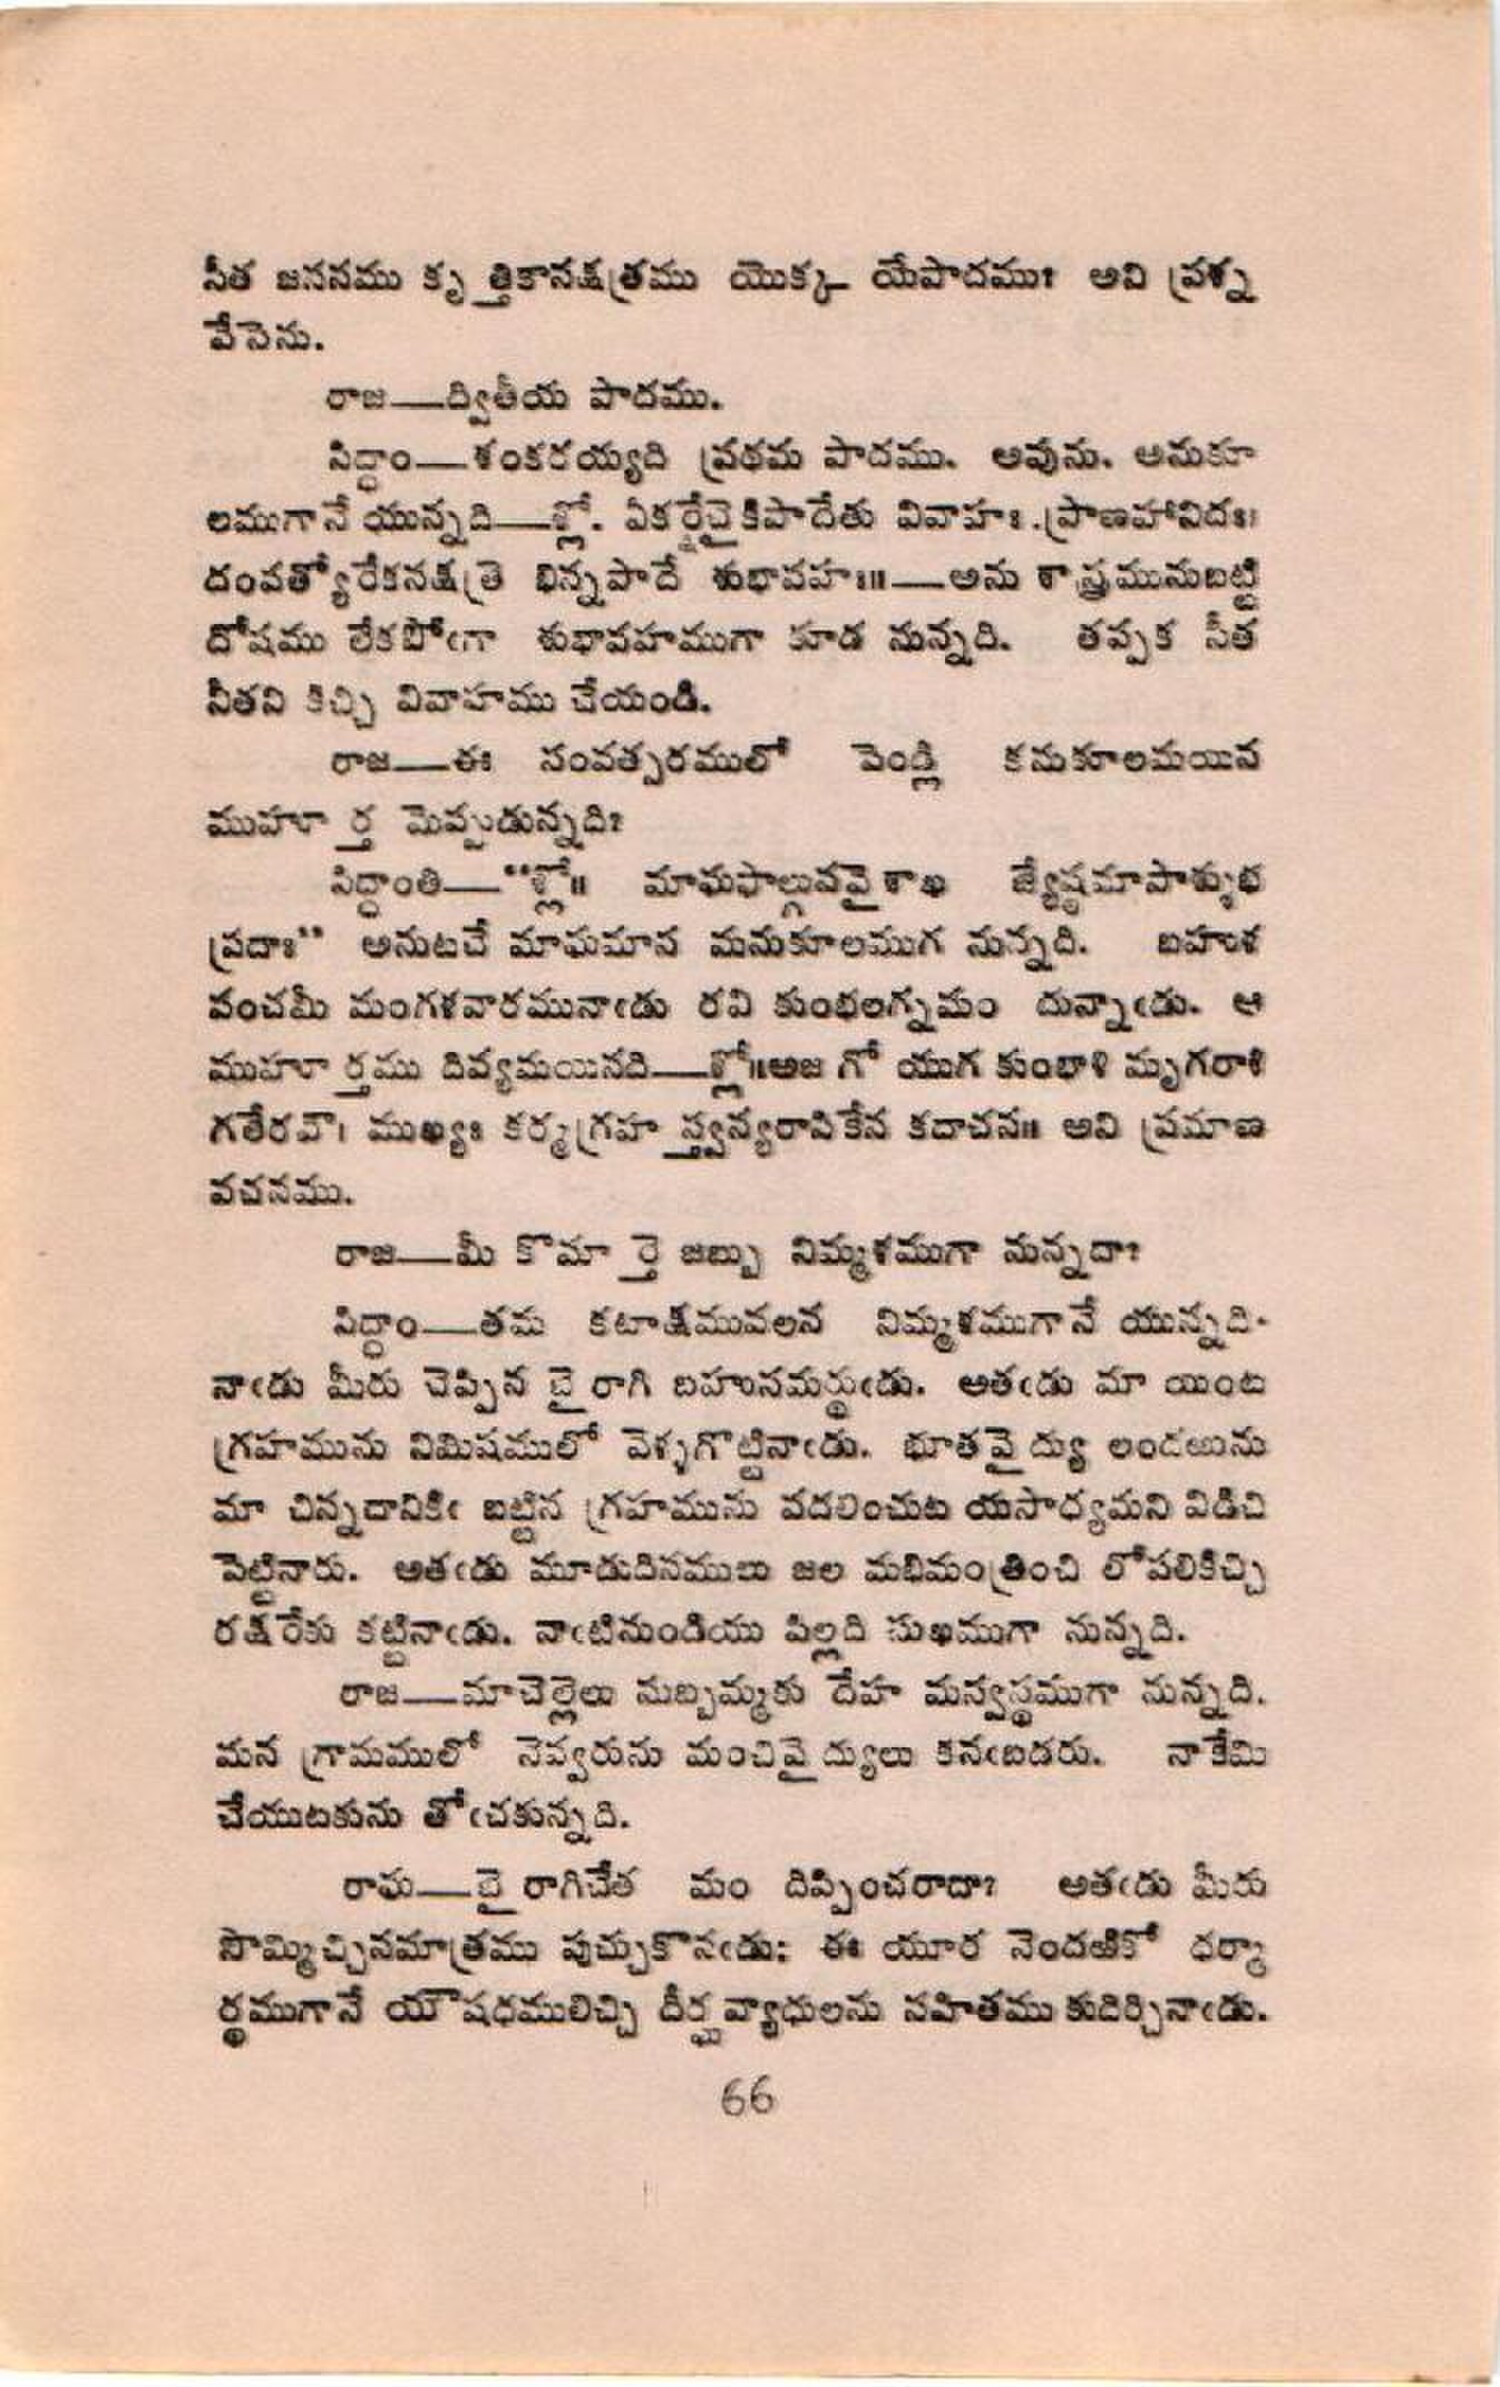సీత జననము కృత్తికానక్షత్రము యొక్క యేపాదము? అని ప్రశ్న వేసెను.

రాజ__ద్వితీయ పాదము.

సిద్దాం__శంకరయ్యది ప్రథమ పాదము. అవును అనుకూ లముగానే యున్నది-శ్లో. ఏకర్షేచైకిపాదేతు వివాహ: ప్రాణహావిద: దంవత్యోరేకనక్షత్రె భిన్నపాదే శుభావహ:॥__అను శాస్త్రమునుబట్టి దోషము లేకపోఁగా శుభావహముగా కూడ నున్నది. తప్పక సీత నీతని కిచ్చి వివాహము చేయండి.

రాజ__ఈ సంవత్సరములో పెండ్లి కనుకూలమయిన ముహూర్త మెవ్పుడున్నది?

సిద్ధాంతి__"శ్లోక మాఘఫాల్గునవైశాఖ జ్యేష్ఠమాపాశ్శుభ ప్రదా:" అనుటచే మాఘమాస మనుకూలముగ నున్నది. బహుళ పంచమీ మంగళవారమనాఁడు రవి కుంభలగ్నమం దున్నాడు. ఆ ముహూర్తము దివ్యమయినది__శ్లో॥ఆజ గో యుగ కుంభాశి మృగరాశి గతేరనౌ: ముఖ్యః కర్మగ్రహ స్త్వన్యరాసికేన కదాచన॥ అవి ప్రమాణ వచనము.

రాజ__మీ కొమార్తె జబ్బు నిమ్మళముగా నున్నదా?

సిద్దాం__తమ కటాక్షమువలన నిమ్మళముగానే యున్నది. నాఁడు మీరు చెప్పిన బైరాగి బహుసమర్థుఁడు. అతఁడు మా యింట గ్రహమును నిమిషములో వెళ్ళగొట్టినాఁడు. భూతవైద్య లందఱును మా చిన్నదానికిఁ బట్టిన గ్రహమును వదలించుట యసాధ్యమని విడిచి పెట్టినారు. ఆతcడు మూడుదినమలు జల మభిమంత్రించి లోపలికిచ్చి రక్షరేకు కట్టినాఁడు. నాటినుండియు పిల్లది సుఖముగా నున్నది.

రాజ__మాచెల్లెలు సుబ్బమ్మకు దేహ మన్వస్థముగా నున్నది. మన గ్రామములో నెవ్వరును మంచివైద్యులు కనఁబడరు. నాకేమి చేయుటకును తోచకున్నది.

రామ__బైరాగిచేత మం దిప్పించరాదా? అతఁడు మీరు సొమ్మిచ్చినమాత్రము పుచ్చుకొనఁడు; ఈ యూర నెందఱికొ ధర్మా ర్థముగానే యౌషధములిచ్చి దీర్ఘ వ్యాధులను సహితము కుదిర్చినాడు.

66